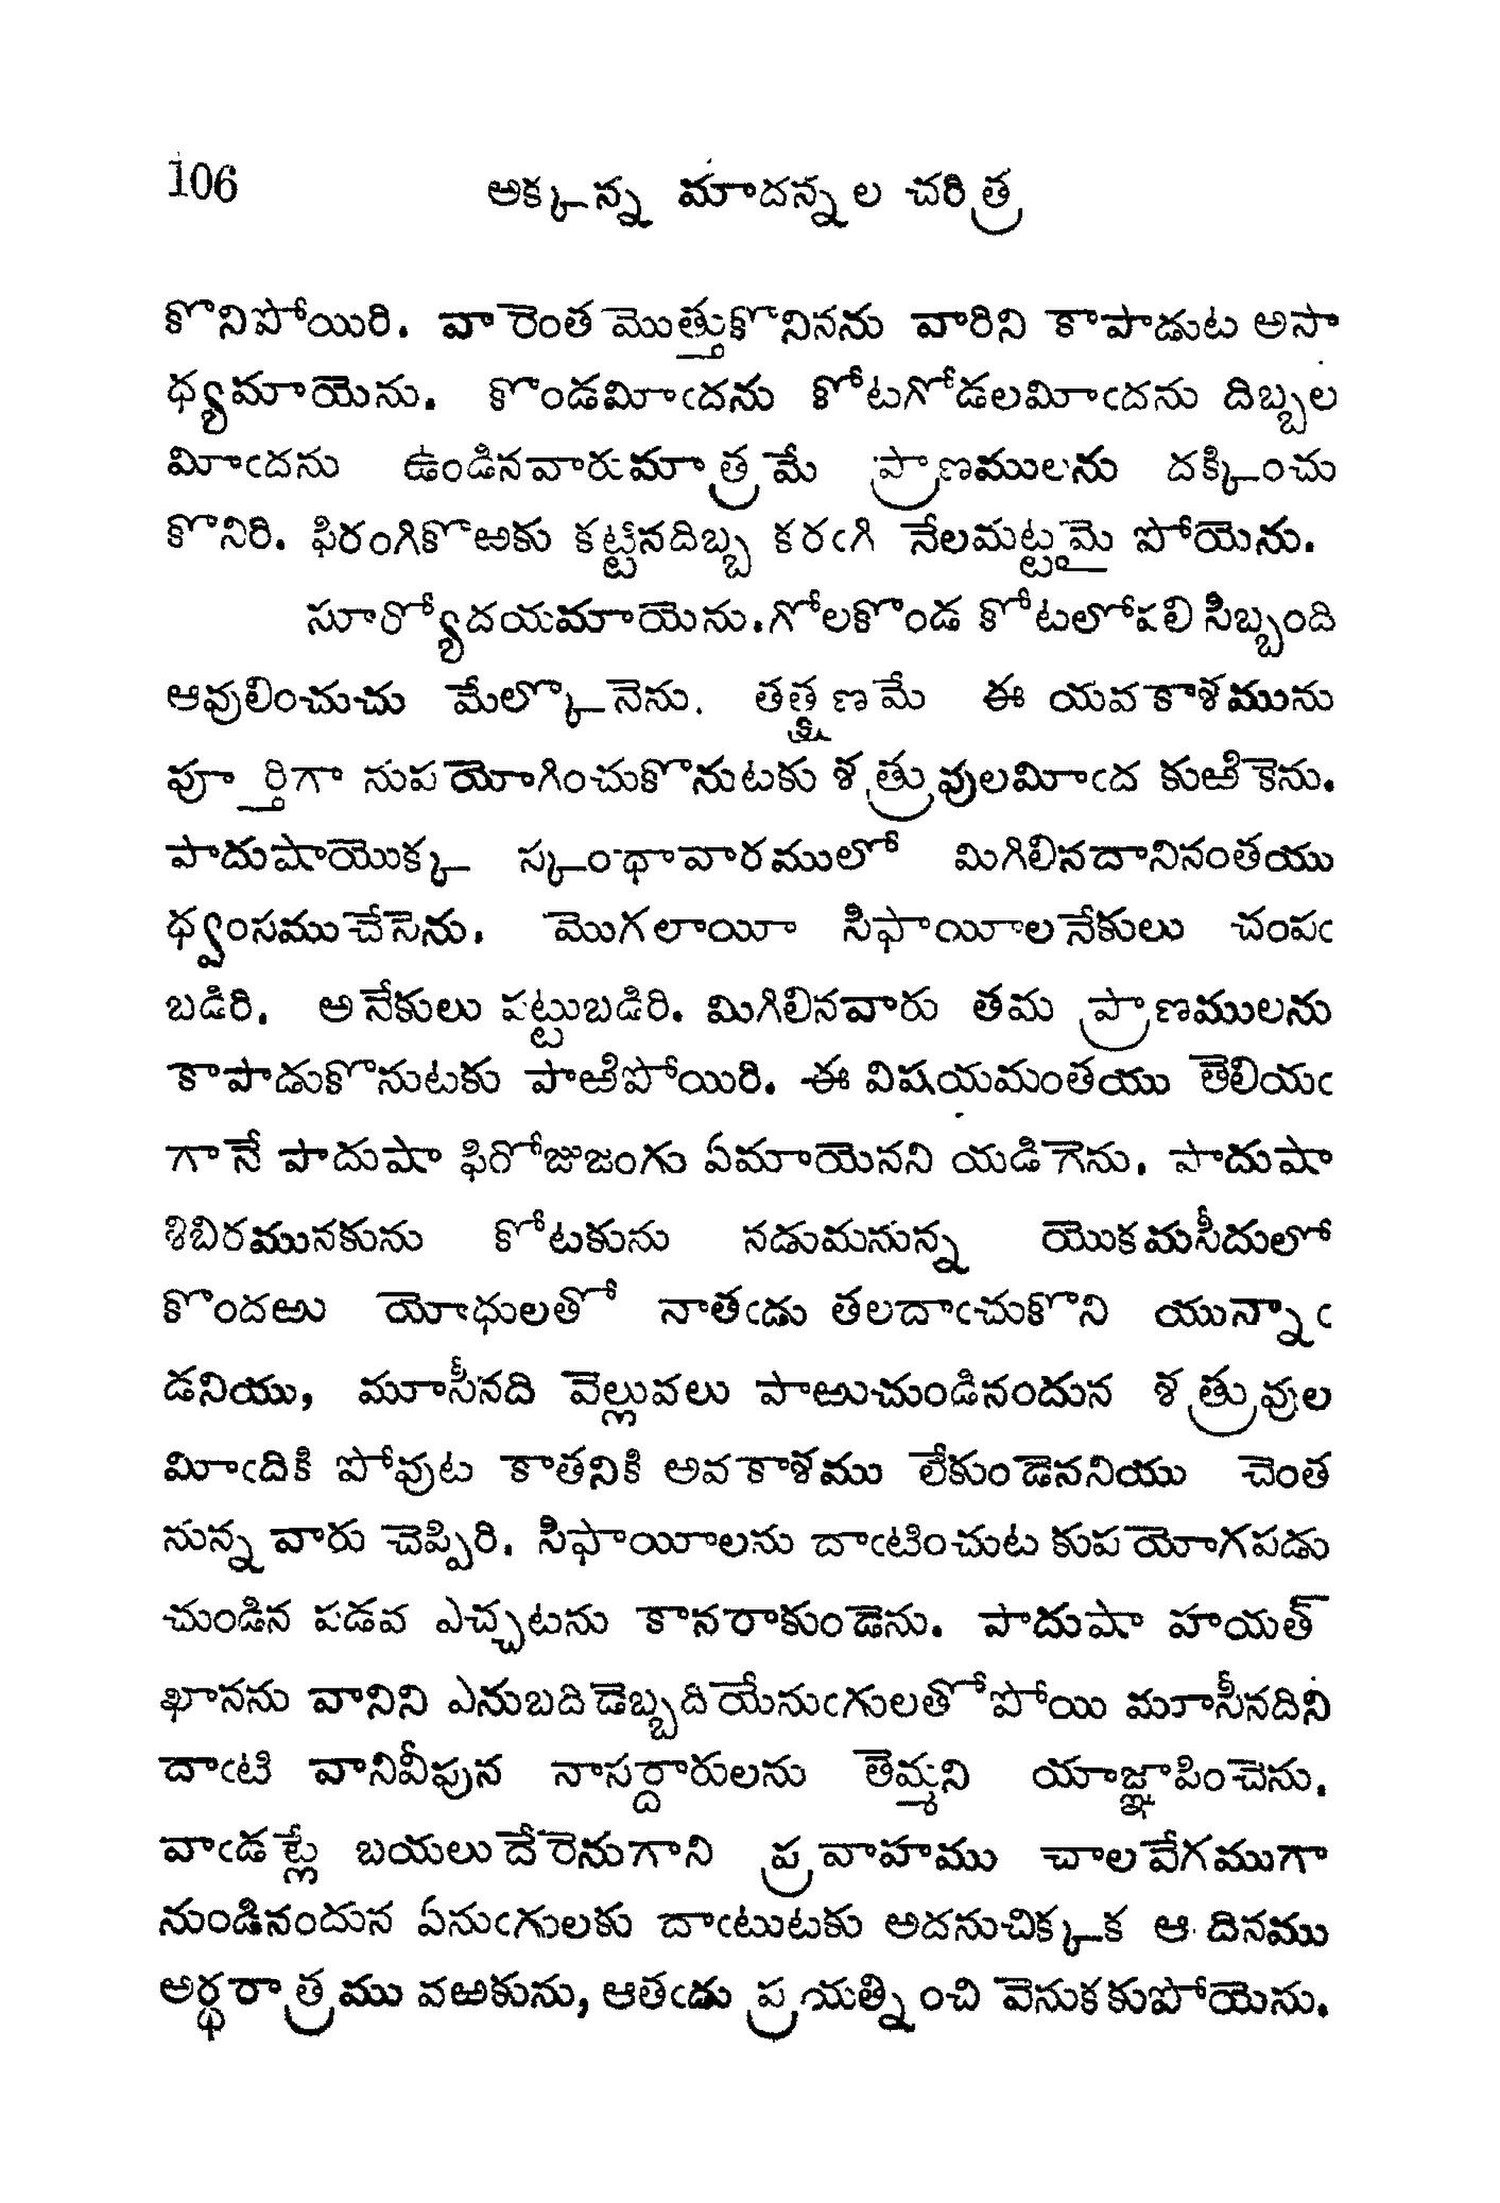కొనిపోయిరి. వారెంతమొత్తుకొనినను వారిని కాపాడుట అసాధ్యమాయెను. కొండమీఁదను కోటగోడలమీఁదను దిబ్బల మీఁదను ఉండినవారుమాత్రమే ప్రాణములను దక్కించుకొనిరి. ఫిరంగికొఱకు కట్టినదిబ్బ కరఁగి నేలమట్టమై పోయెను.

సూర్యోదయమాయెను. గోలకొండ కోటలోపలి సిబ్బంది ఆవులించుచు మేల్కొనెను. తత్క్షణమే ఈ యవకాశమును పూర్తిగా నుపయోగించుకొనుటకు శత్రువులమీఁద కుఱికెను. పాదుషాయెుక్క స్కంధావారములో మిగిలినదానినంతయు ధ్వంసముచేసెను. మొగలాయీ సిఫాయీలనేకులు చంపఁబడిరి. అనేకులు పట్టుబడిరి. మిగిలినవారు తమ ప్రాణములను కాపాడుకొనుటకు పాఱిపోయిరి. ఈ విషయమంతయు తెలియఁగానే పాదుషా ఫిరోజుజంగు ఏమాయెనని యడిగెను. పాదుషా శిబిరమునకును కోటకును నడుమనున్న యొకమసీదులో కొందఱు యోధులతో నాతఁడు తలదాఁచుకొని యున్నాఁడనియు, మూసీనది వెల్లువలు పాఱుచుండినందున శత్రువుల మీఁదికి పోవుట కాతనికి అవకాశము లేకుండెననియు చెంత నున్నవారు చెప్పిరి. సిఫాయీలను దాఁటించుట కుపయోగపడు చుండిన పడవ ఎచ్చటను కానరాకుండెను. పాదుషా హయత్ ఖానను వానిని ఎనుబదిడెబ్బదియేనుఁగులతోపోయి మూసీనదిని దాఁటి వానివీపున నాసర్దారులను తెమ్మని యాజ్ఞాపించెను. వాఁడట్లే బయలుదేరెనుగాని ప్రవాహము చాలవేగముగా నుండినందున ఏనుఁగులకు దాఁటుటకు అదనుచిక్కక ఆ దినము ఆర్థరాత్రము వఱకును, ఆతఁడు ప్రయత్నించి వెనుకకుపోయెను.